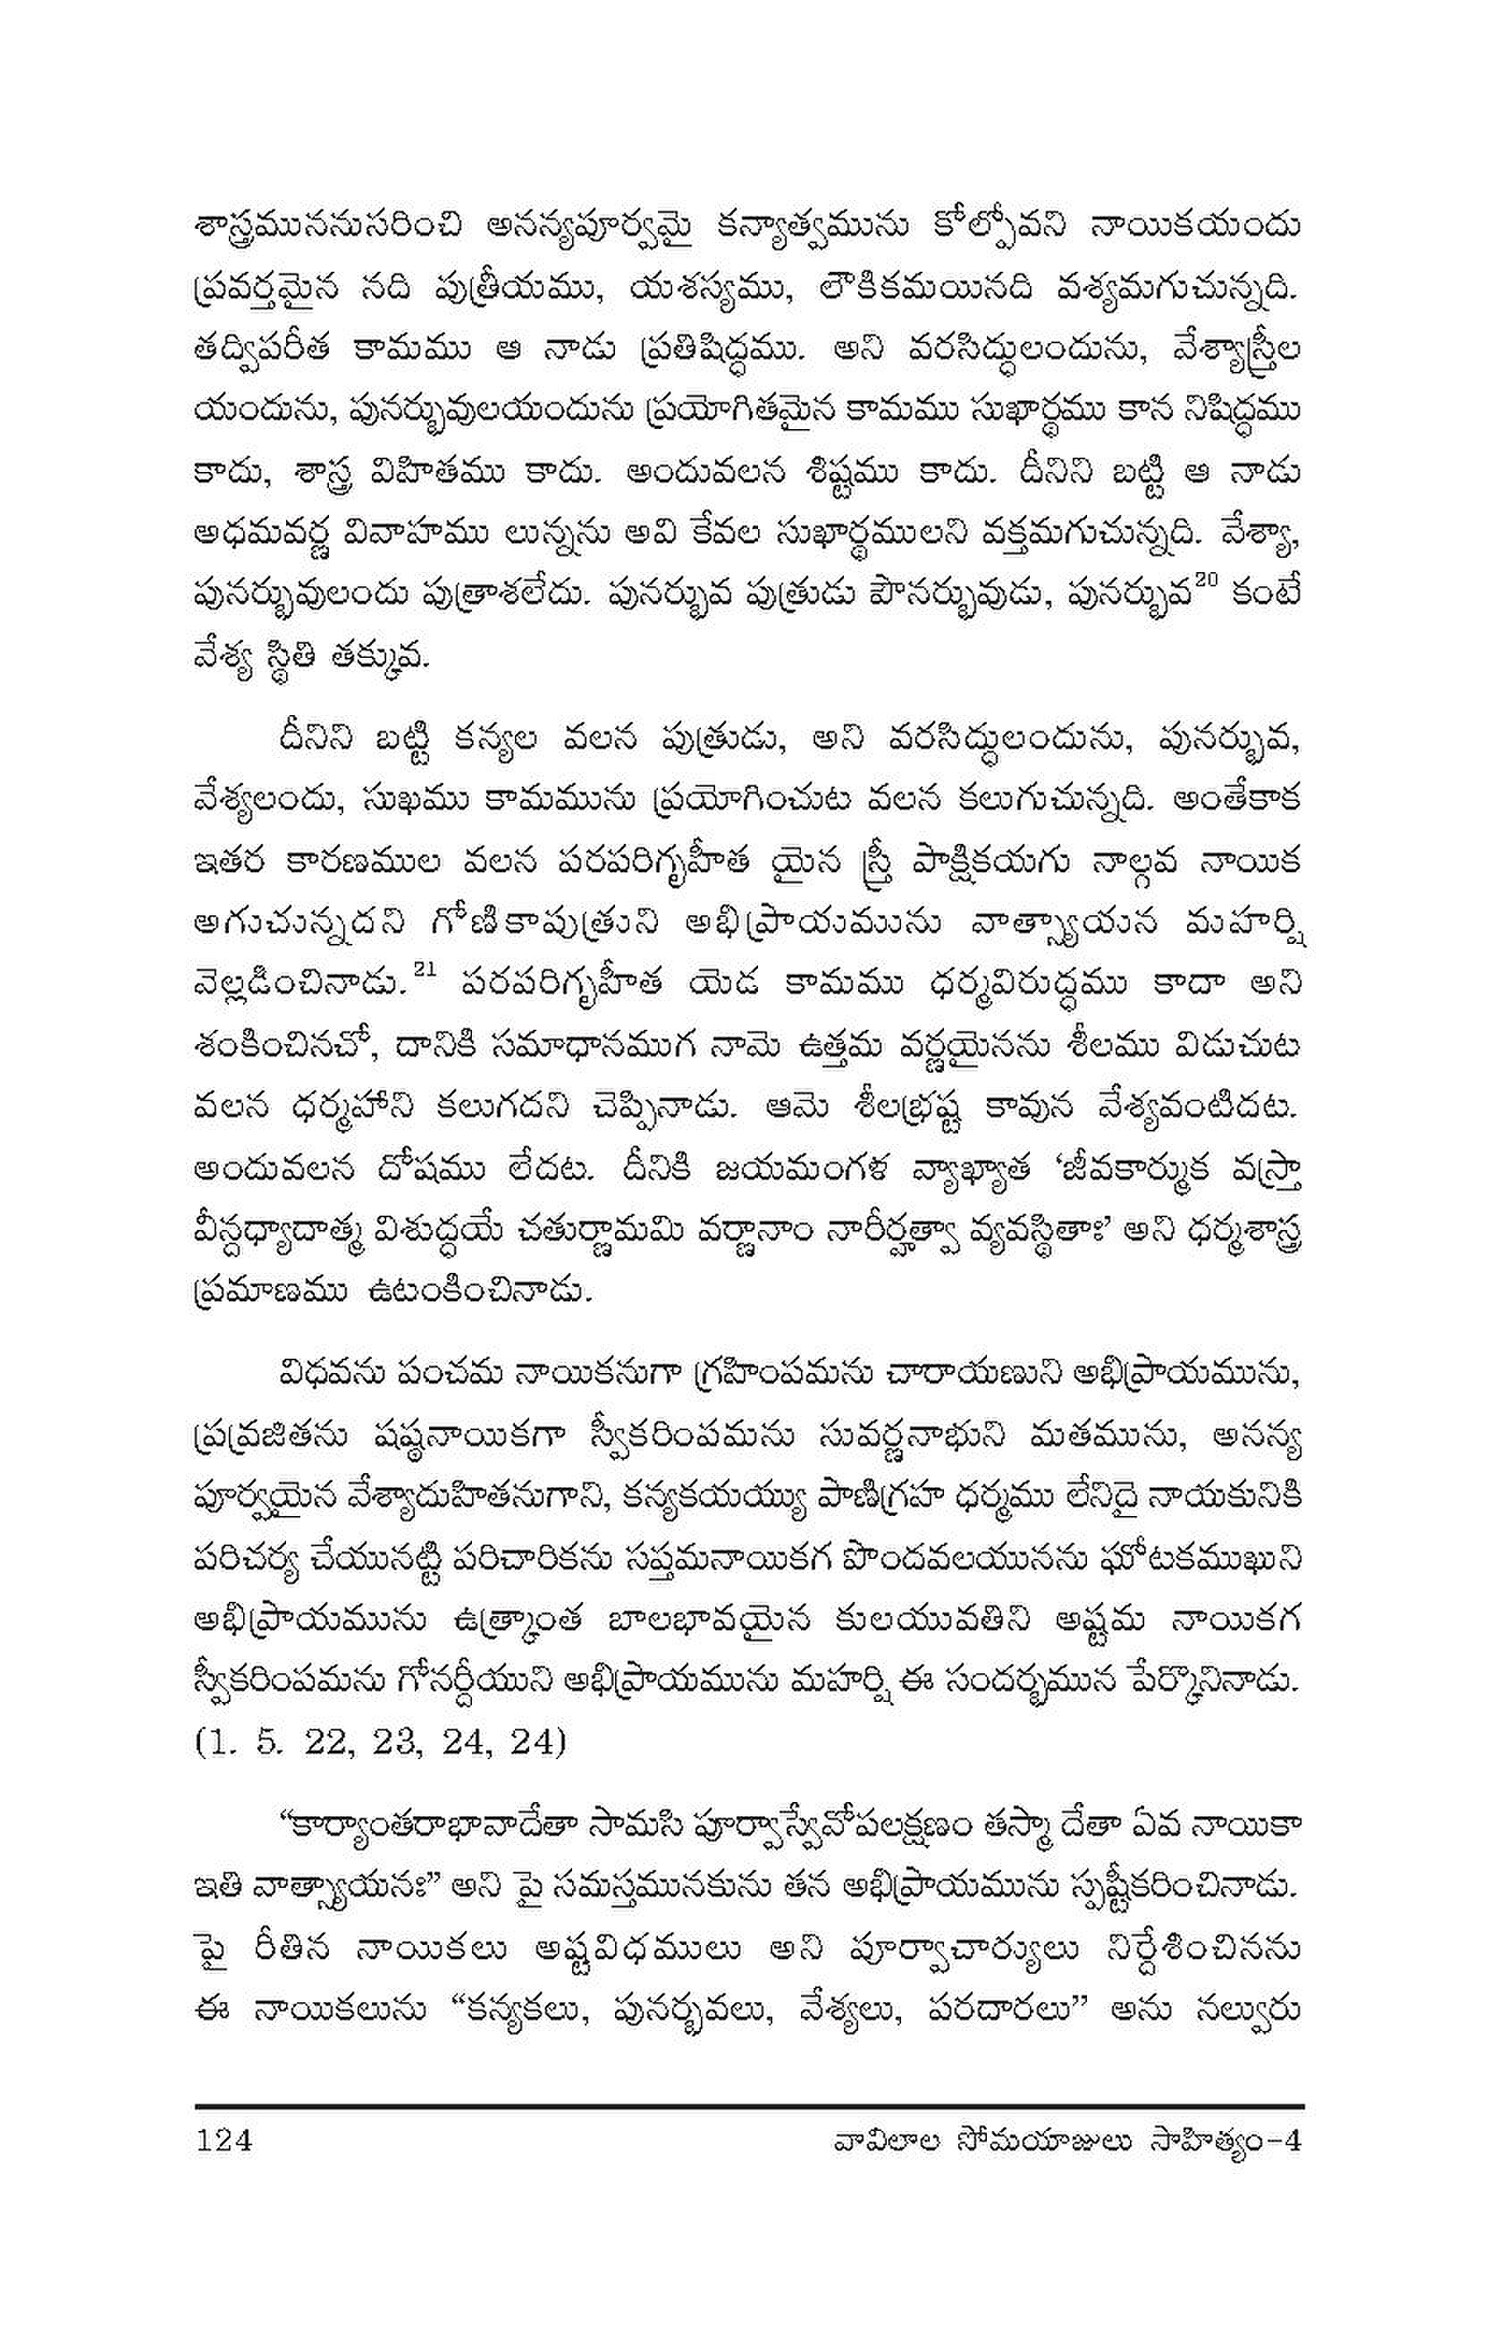శాస్త్రముననుసరించి అనన్యపూర్వమై కన్యాత్వమును కోల్పోవని నాయికయందు
ప్రవర్తమైన నది పుత్రీయము, యశస్యము, లౌకికమయినది వశ్యమగుచున్నది.
తద్విపరీత కామము ఆ నాడు ప్రతిషిద్ధము. అని వరసిద్ధులందును, వేశ్యాస్త్రీల
యందును, పునర్భువులయందును ప్రయోగితమైన కామము సుఖార్థము కాన నిషిద్ధము
కాదు, శాస్త్ర విహితము కాదు. అందువలన శిష్టము కాదు. దీనిని బట్టి ఆ నాడు
అధమవర్ణ వివాహము లున్నను అవి కేవల సుఖార్ధములని వక్తమగుచున్నది. వేశ్యా,
పునర్భువులందు పుత్రాశలేదు. పునర్భువ పుత్రుడు పౌనర్భువుడు, పునర్భువ 20 కంటే
వేశ్య స్థితి తక్కువ.

దీనిని బట్టి కన్యల వలన పుత్రుడు, అని వరసిద్ధులందును, పునర్భువ,
వేశ్యలందు, సుఖము కామమును ప్రయోగించుట వలన కలుగుచున్నది. అంతేకాక
ఇతర కారణముల వలన పరపరిగృహీత యైన స్త్రీ పాక్షికయగు నాల్గవ నాయిక
అగుచున్నదని గోణికాపుత్రుని అభిప్రాయమును వాత్స్యాయన మహర్షి
వెల్లడించినాడు. " పరపరిగృహీత యెడ కామము ధర్మవిరుద్ధము కాదా అని
శంకించినచో, దానికి సమాధానముగ నామె ఉత్తమ వర్ణయైనను శీలము విడుచుట
వలన ధర్మహాని కలుగదని చెప్పినాడు. ఆమె శీలభ్రష్ట కావున వేశ్యవంటిదట.
అందువలన దోషము లేదట. దీనికి జయమంగళ వ్యాఖ్యాత 'జీవకార్ముక వస్తా
వీన్దధ్యాదాత్మ విశుద్ధయే చతుర్ణామమి వర్ణానాం నారీర్హత్వా వ్యవస్థితాః' అని ధర్మశాస్త్ర
ప్రమాణము ఉటంకించినాడు.

విధవను పంచమ నాయికనుగా గ్రహింపమను చారాయణుని అభిప్రాయమును,
ప్రవ్రజితను షష్టనాయికగా స్వీకరింపమను సువర్ణనాభుని మతమును, అనన్య
పూర్వయైన వేశ్యాదుహితనుగాని, కన్యకయయ్యు పాణిగ్రహ ధర్మము లేనిదై నాయకునికి
పరిచర్య చేయునట్టి పరిచారికను సప్తమనాయికగ పొందవలయునను ఘోటకముఖుని
అభిప్రాయమును ఉత్క్రాంత బాలభావయైన కులయువతిని అష్టమ నాయికగ
స్వీకరింపమను గోనర్డీయుని అభిప్రాయమును మహర్షి ఈ సందర్భమున పేర్కొనినాడు.
(1. 5. 22, 23, 24, 24)

"కార్యాంతరాభావాదేతా సామసి పూర్వాస్వేవోపలక్షణం తస్మా దేతా ఏవ నాయికా
ఇతి వాత్స్యాయనః” అని పై సమస్తమునకును తన అభిప్రాయమును స్పష్టీకరించినాడు.
పై రీతిన నాయికలు అష్టవిధములు అని పూర్వాచార్యులు నిర్దేశించినను
ఈ నాయికలును "కన్యకలు, పునర్భవలు, వేశ్యలు, పరదారలు" అను నల్వురు